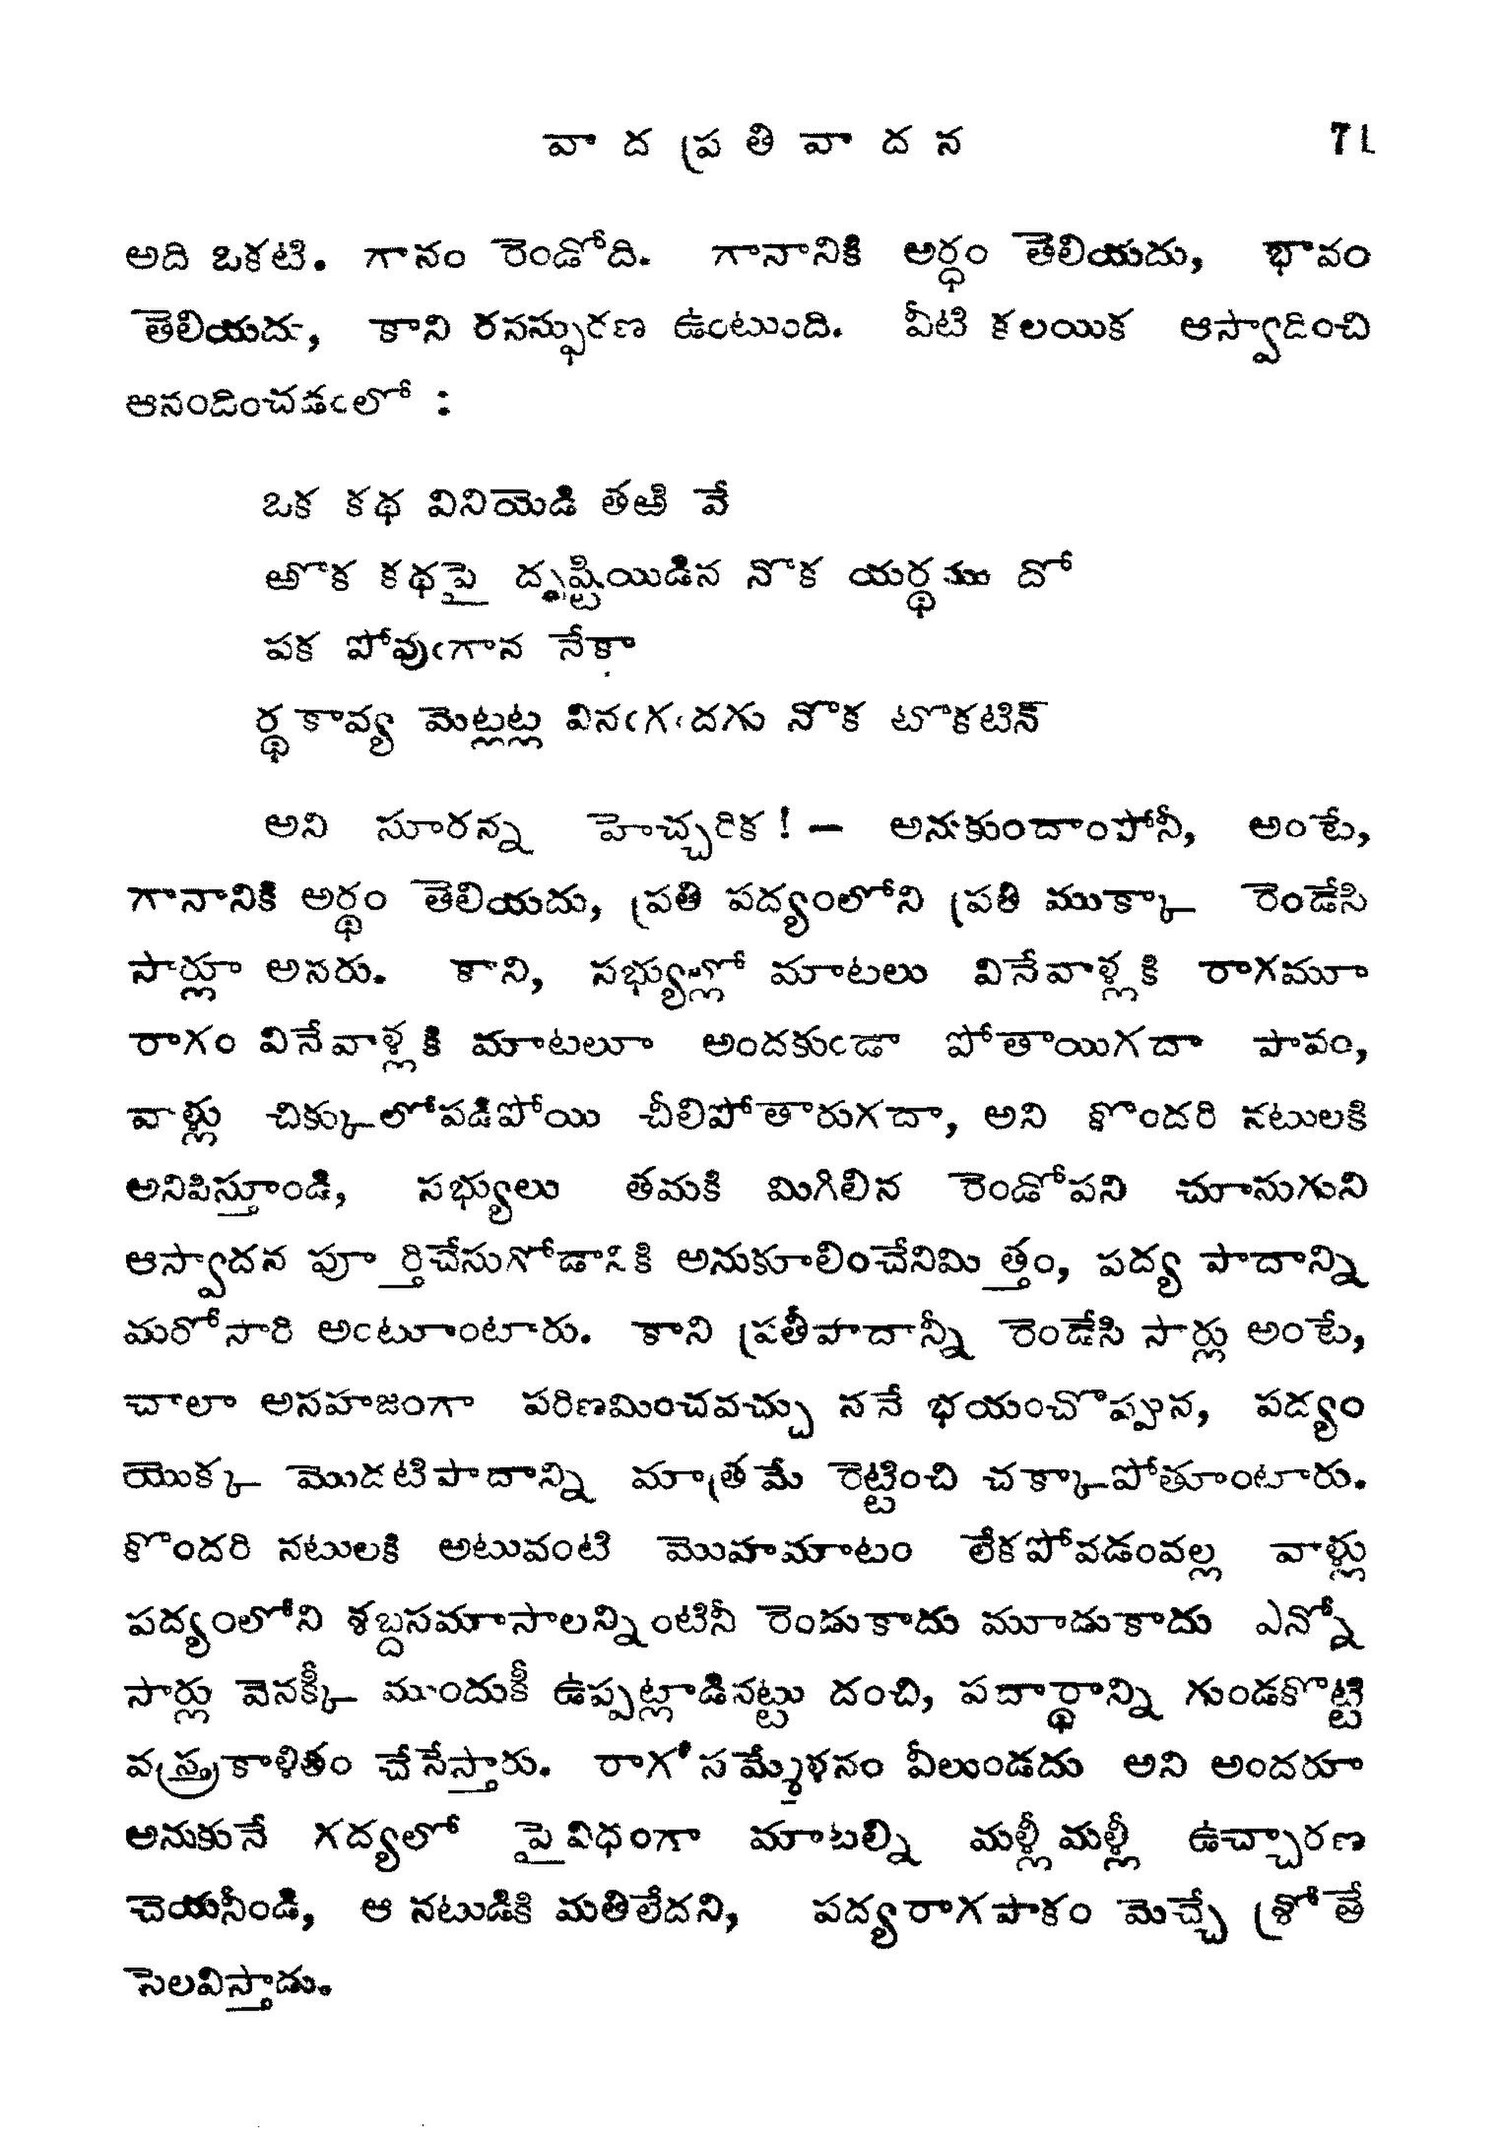అది ఒకటి. గానం రెండోది. గానానికి అర్ధం తెలియదు, భావం
తెలియదు, కాని రసస్ఫురణ ఉంటుంది. వీటి కలయిక ఆస్వాదించి
ఆనందించడంలో :

ఒక కథ వినియెడి తఱి వే
ఱొక కథపై దృష్టియిడిన నొక యర్థము దో
పక పోవుఁగాన నేకా
ర్థకావ్య మెట్లట్ల వినఁగఁదగు నొక టొకటిన్

అని సూరన్న హెచ్చరిక! – అనుకుందాంపోనీ, అంటే,
గానానికి అర్థం తెలియదు, ప్రతి పద్యంలోని ప్రతి ముక్కా రెండేసి
సార్లూ అనరు. కాని, సభ్యుల్లో మాటలు వినేవాళ్లకి రాగమూ
రాగం వినేవాళ్లకి మాటలూ అందకుండా పోతాయిగదా పాపం,
వాళ్లు చిక్కులోపడిపోయి చీలిపోతారుగదా, అని కొందరి నటులకి
అనిపిస్తూండి, సభ్యులు తమకి మిగిలిన రెండోపని చూసుగుని
ఆస్వాదన పూర్తిచేసుగోడానికి అనుకూలించేనిమిత్తం, పద్య పాదాన్ని
మరోసారి అంటూంటారు. కాని ప్రతీపాదాన్నీ రెండేసి సార్లు అంటే,
చాలా అసహజంగా పరిణమించవచ్చు ననే భయంచొప్పున, పద్యం
యొక్క మొదటిపాదాన్ని మాత్రమే రెట్టించి చక్కాపోతూంటారు.
కొందరి నటులకి అటువంటి మొహమాటం లేకపోవడంవల్ల వాళ్లు
పద్యంలోని శబ్దసమాసాలన్నింటినీ రెండుకాదు మూడుకాదు ఎన్నో
సార్లు వెనక్కీ ముందుకీ ఉప్పట్లాడినట్టు దంచి, పదార్థాన్ని గుండకొట్టి
వస్త్రకాళితం చేసేస్తారు. రాగసమ్మేళనం వీలుండదు అని అందరూ
అనుకునే గద్యలో పైవిధంగా మాటల్ని మళ్లీ మళ్లీ ఉచ్చారణ
చెయనీండి, ఆ నటుడికి మతిలేదని, పద్యరాగపాకం మెచ్చే శ్రోతే
సెలవిస్తాడు.